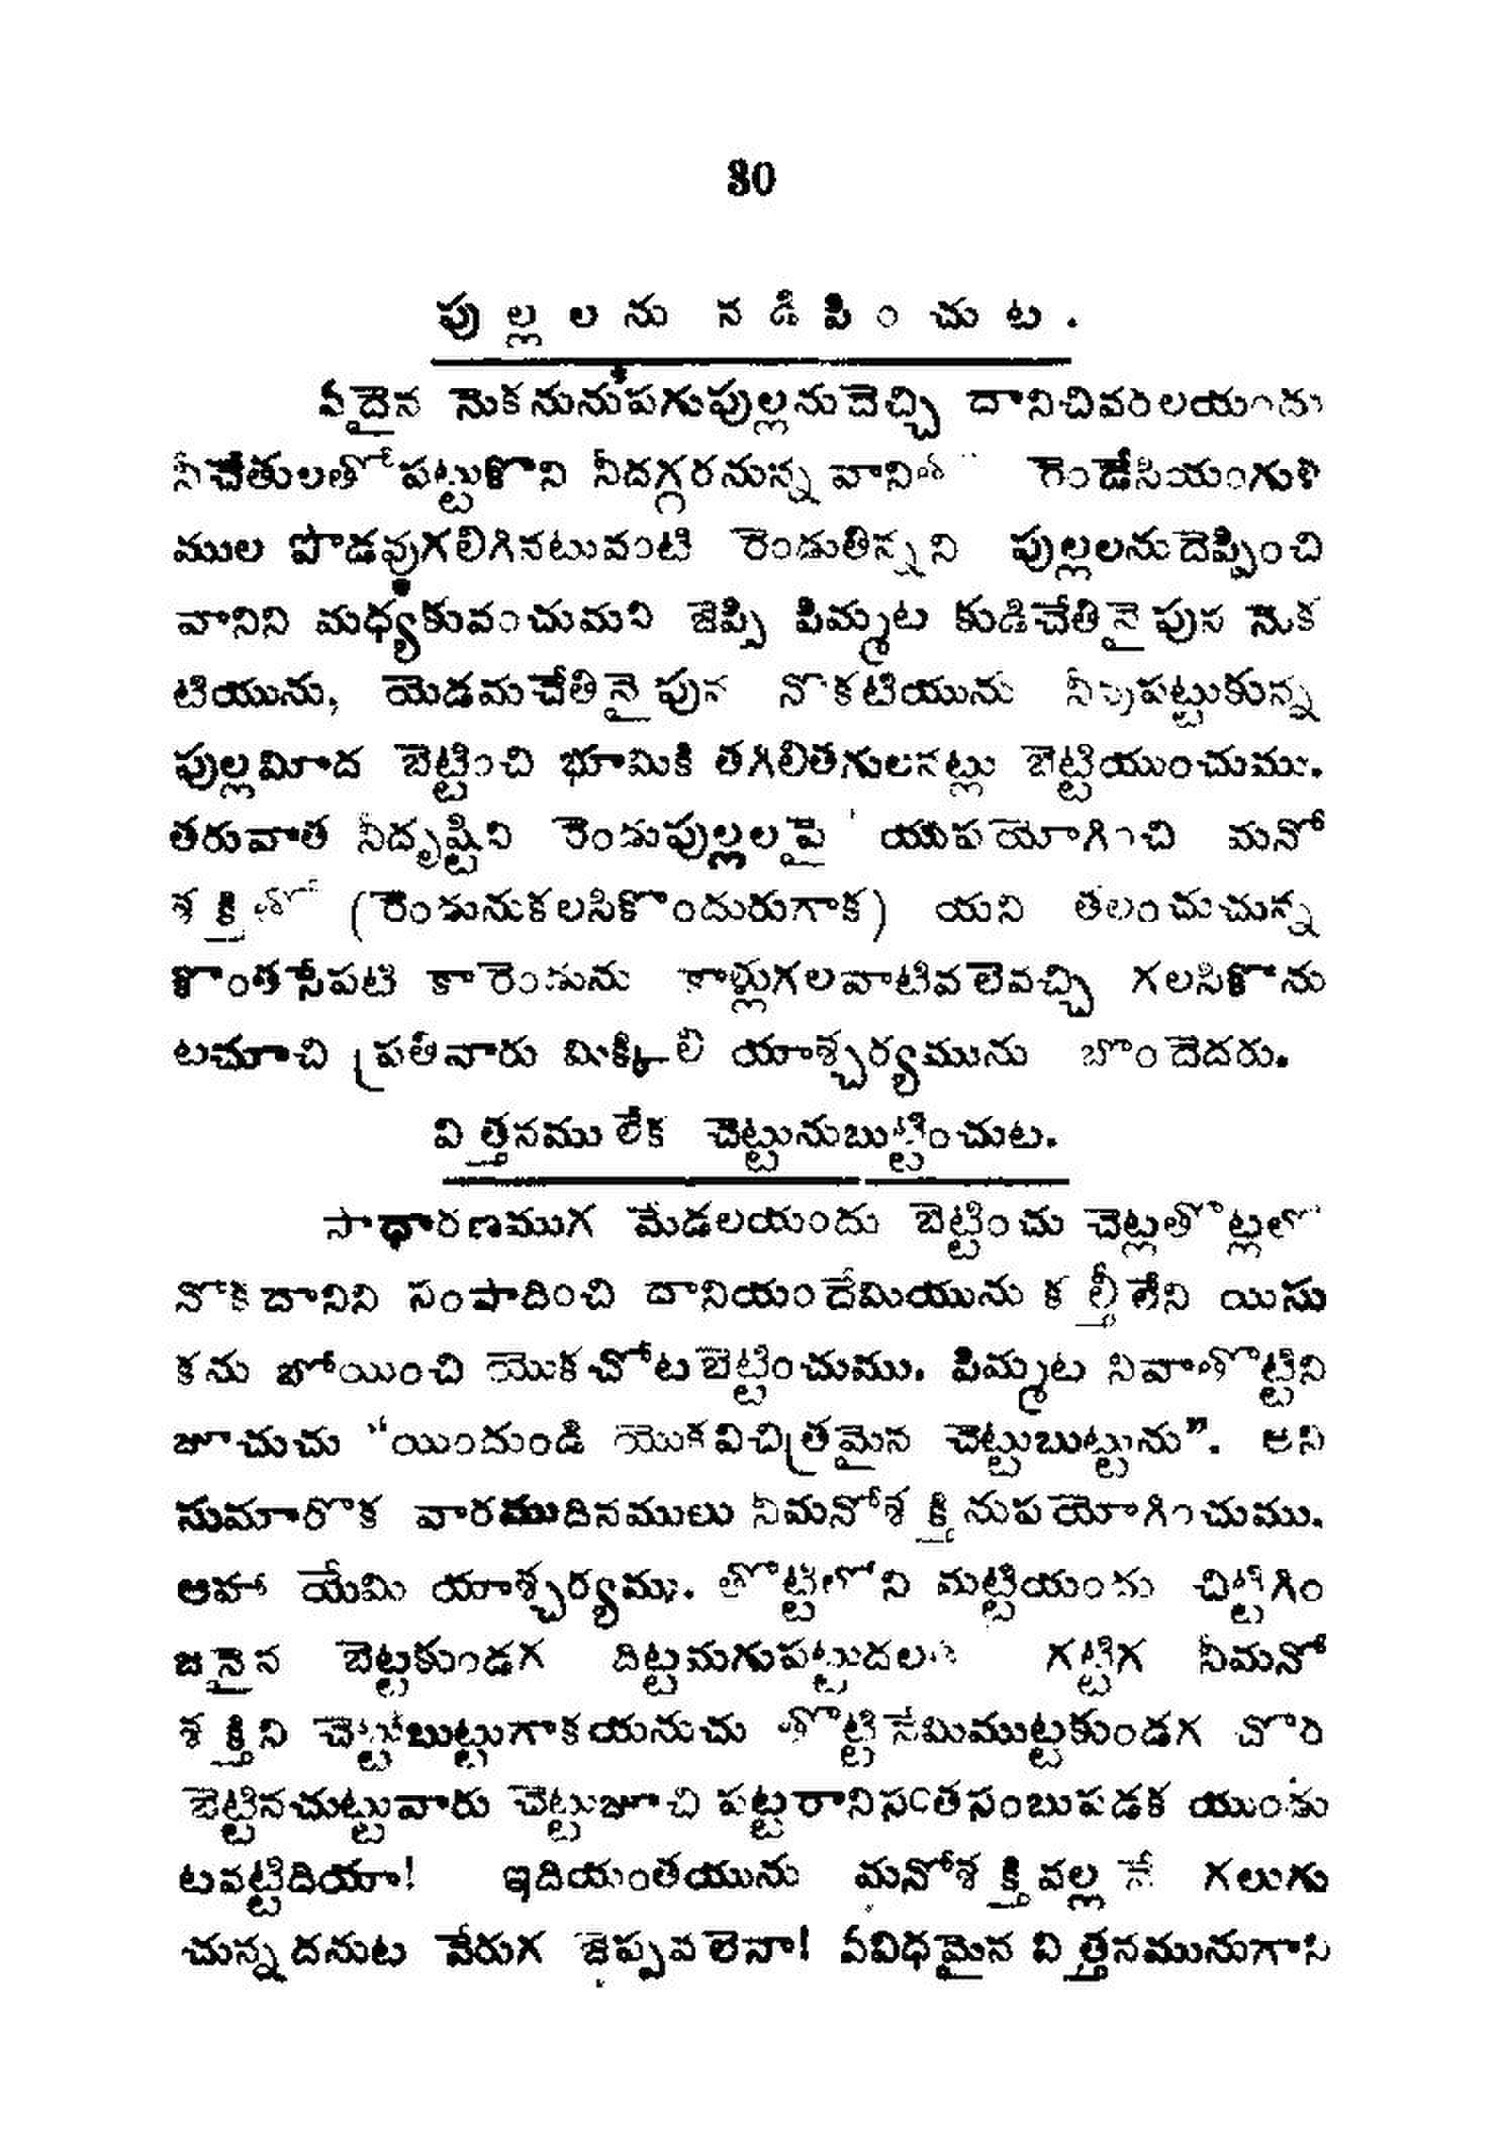ఏదైన నొక నునుపగుపుల్లనుదెచ్చి దానిచివరలయందు నీచేతులతో పట్టుకొని నీదగ్గరనున్నవానితో
రెండేసియంగుళముల పొడవుగలిగినటువంటి రెండుతిన్నని పుల్లలనుదెప్పించి వానిని మధ్యకువంచుమని జెప్పి పిమ్మట కుడిచేతివైపున నొకటియును, యెడమచేతివైపున నొకటియును నీవుపట్టుకున్న పుల్లమీద బెట్టించి భూమికి తగిలితగులనట్లు బెట్టియుంచుము. తరువాత నీదృష్టిని రెండుపుల్లలపై యుపయోగించి మనోశక్తితో (రెండునుకలసికొందురుగాక) యని తలంచుచున్న
కొంతసేపటి కారెండును కాళ్లుగలవాటివలెవచ్చి గలసికొనుటచూచి ప్రతివారు మిక్కిలి యాశ్చర్యమును బొందెదరు.

సాధారణముగ మేడలయందు బెట్టించు చెట్లతొట్లలో నొకదానిని సంపాదించి దానియందేమియును కల్తీలేని యిసుకను బోయించి యొకచోటబెట్టించుము. పిమ్మట నీవాతొట్టిని జూచుచు "యిందుండి యొక విచిత్రమైన చెట్టు బుట్టును". అని సుమారొక వారముదినములు నీమనోశక్తి నుపయోగించుము.
ఆహా యేమి యాశ్చర్యము, తొట్టిలోని మట్టియందు చిట్టిగింజనైన బెట్టకుండగ దిట్టమగుపట్టుదలతో గట్టిగ నీమనోశక్తిని చెట్టుబుట్టుగాకయనుచు తొట్టినేమిముట్టకుండగ చొరబెట్టినచుట్టువారు చెట్టుజూచి పట్టరానిసంతసంబుపడక యుండుటవట్టిదియా! ఇదియంతయును మనోశక్తివల్లనే గలుగు
చున్నదనుట వేరుగ జెప్పవలెనా! ఏవిధమైన విత్తనమునుగాని